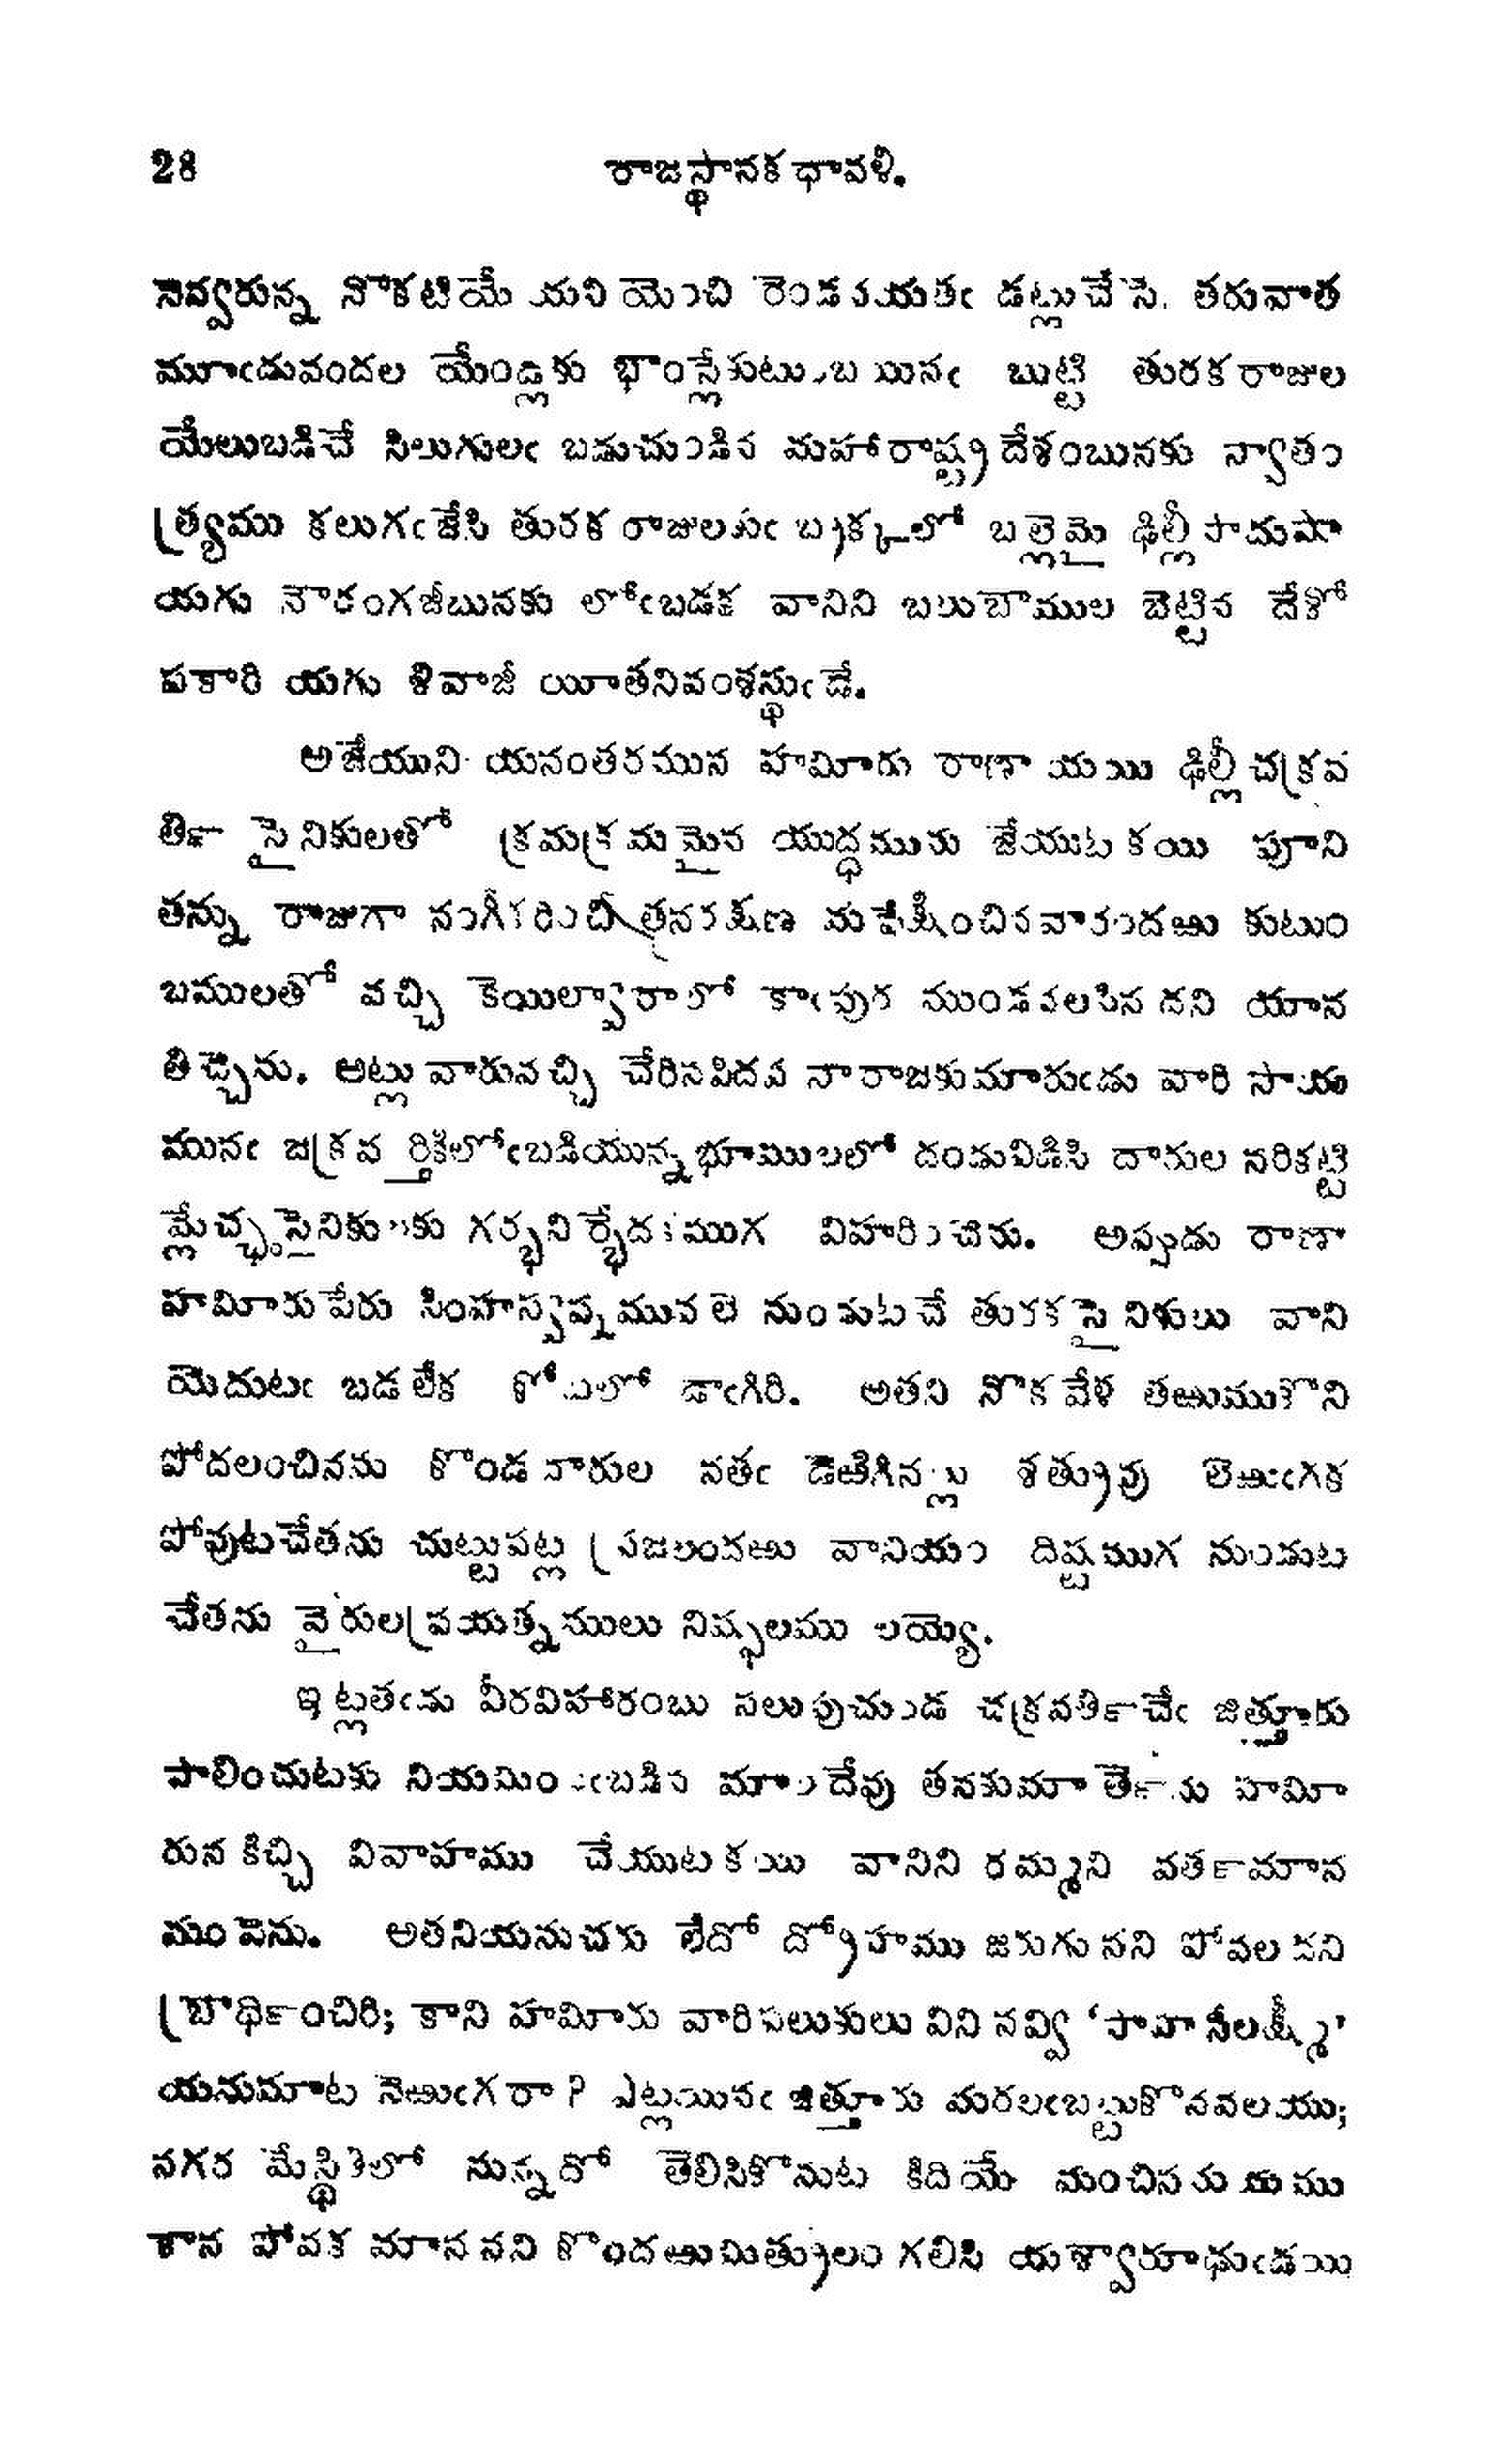నెవ్వరున్న నొకటియే యని యెంచి 'రెండవయతఁ డట్లు చేసె. తరువాత మూడువందల యేండ్లకు భాంస్టే కుటుంబయినఁ బుట్టి తురక రాజుల యేలుబడిచే సిలుగులఁ బడుచుండిన మహారాష్ట్ర దేశంబునకు స్వాత
త్య్రము కలుగఁ జేసి తురక రాజులకుఁ బక్కలో బల్లెమై ఢిల్లీ పాదుషా యగు నౌరంగజీబునకు లోఁబడక వానిని బలుబాముల బెట్టిన దేశోపకారి యగు శివాజీ యీతనివంశస్థుఁ డే.

అజేయుని యనంతరమున హమీరు రాణా యయి ఢిల్లీ చక్రవతి౯: సైనికులతో క్రమక్రమమైన యుద్ధమును జేయుటకయి పూని తన్ను రాజుగా నంగీకరించీ తన రక్షణ మపేక్షించిన వారందఱు కుటుంబములతో వచ్చి కెయిల్పారాలో కాఁపుర ముండవలసిన దని యానతిచ్చెను. ఆట్లు వారువచ్చి చేరిన పిదప నా రాజకుమారుఁడు వారి సాయమునఁ జక్రవర్తికిలోఁబడియున్న భూములలో దండు విడిసి దారుల నరికట్టి మేచ్ఛసైనికులకు గర్భనిర్భేదకముగ విహరించెను. అప్పుడు రాణాహమీరు పేరు సింహస్వప్నమువలె నుండుటచే తురక సైనికులు వాని యెదుటఁ బడలేక గోలో డాఁగిరి. అతని నొక వేళ తఱుముకొని పోదలంచినను కొండదారుల నతఁ డెఱిగినట్లుత్రువు లెఱుఁగక పోవుటచేతను చుట్టు పట్ల ప్రజలందఱు వానియం దిష్టముగ నుండుట చేతను వైరుల ప్రయత్నములు నిష్ఫలము లయ్యె.

ఇట్లతఁడు వీరవిహారంబు సలుపుచుండ చక్రవతి౯ చేఁ జిత్తూరు పాలించుటకు నియమింపబడిన మాల దేవు తనకుమాతె౯ను హమీరున కిచ్చి వివాహము చేయుటకయి వానిని రమ్మని వత౯ మాన మంపెను. అతని యనుచరు లేదో ద్రోహము జరుగునని పోవలదని బ్రాధి౯చిరి; కాని హమీరు వారి పలుకులు విని నవ్వి 'సాహసలక్ష్మీ' యనుమాట నెఱుఁగరా? ఎట్లయినఁ జిత్తూరు మరలఁబట్టుకోనవలయు; నగర 'మేస్థితిలో నున్నదో తెలిసికొనుట కిదియే మంచిసమయము కాన పోవక మాననని కొందఱుమిత్రులు గలిసి యశ్వారూఢుఁడయి